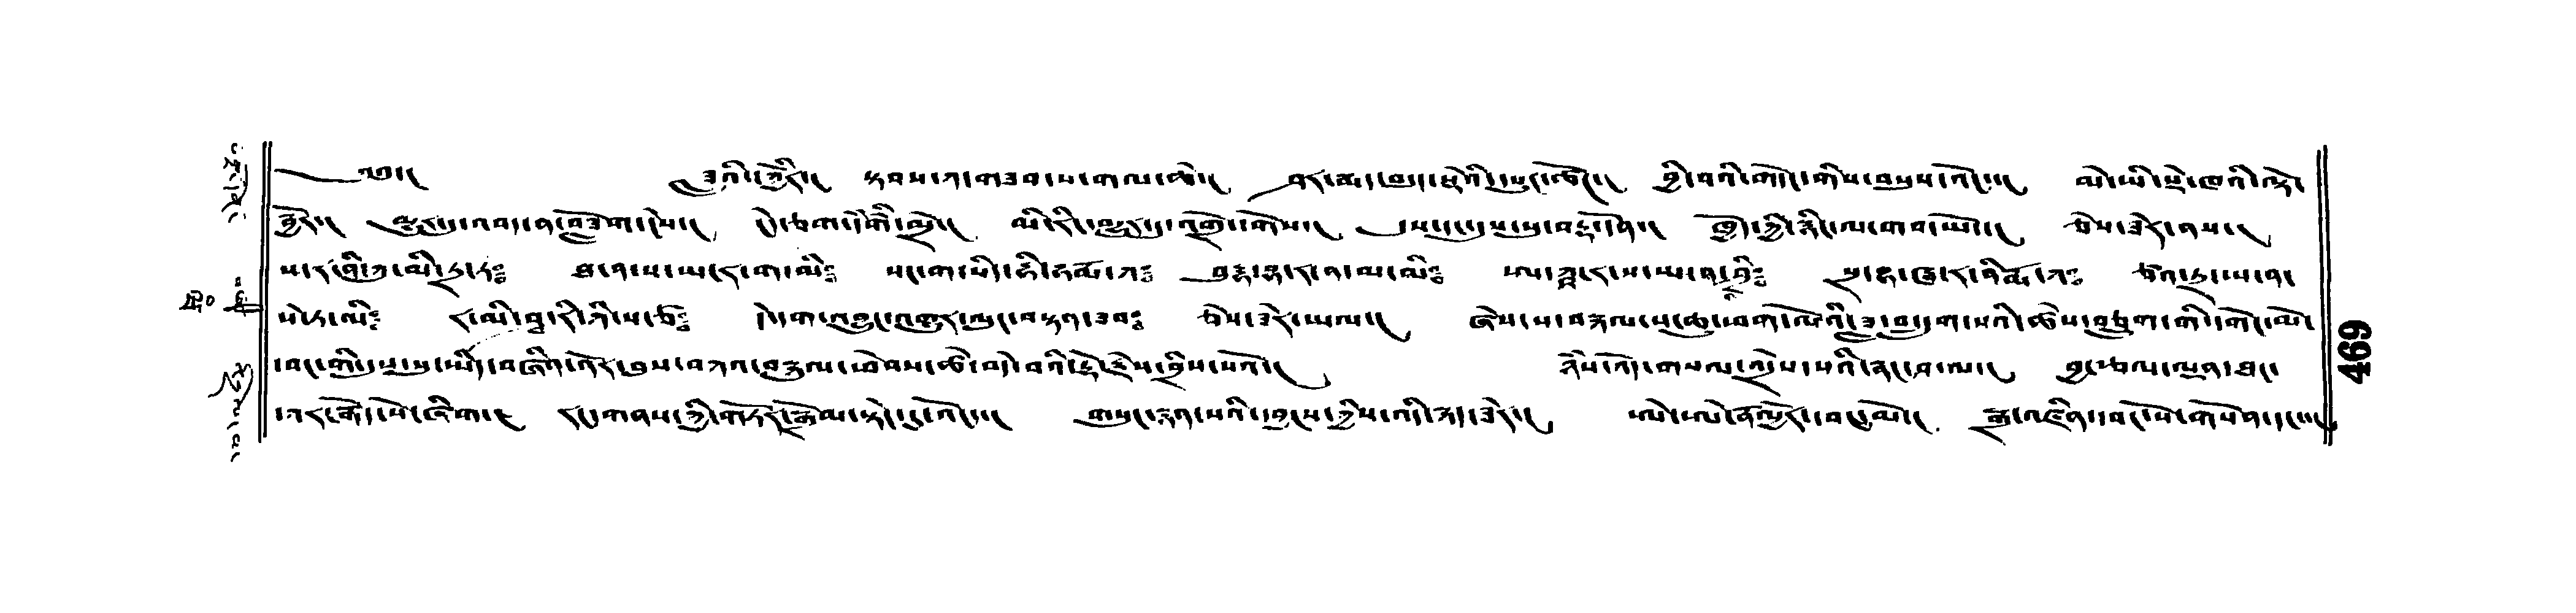ཟླའི་དཀྱིལ་འཁོར། །སྟབས་ཀ་གཟབ་པ་གལ་ཆེ། །ཤར་སྨད་བདུད་སྡེའི་དཔུང་ཚོགས། །བྱི་བའི་གདོང་གིས་བསུས་འོང་། །མེ་ཡི་སྡེ་ཁའི་ལྟོ་
སྦྱོར། །མྱུར་དུ་འབད་ན་བཟློག་ངེས། །ངེད་ཅག་དམ་ཚིག་མཁའ་འགྲོ། །མི་རིང་མྱུར་དུ་འགྲོ་དགོས། །དུས་དང་དུས་སུ་བརྡ་དོན། ཁྱོད་ཀྱི་སྙིང་ལ་གབ་ཡོད། ཅེས་ཟེར་ནས། 
ས་ར་ནི་ཀུ་མི་ཏྲ་ཏཿ ཐ་ན་ས་ཡ་ར་ག་མི༔ སང་ག་སིདྡྷྀ་དྷརྨ་ཀ༔ བུདྡྷ་བྷ་ར་ན་མ་མི༔ ཨཀྵ་ར་ས་ཡ་ན་ཤྲཱི༔ པྲ་བྷ་ཝ་ར་ནིརྨ་ཀ༔ ཙན་ཏྲ་ཡ་ན་
པེ་ཏ་ལི༔ ར་མེ་ཤྭ་རི་ཀི་ས་ཙ༔ དེ་དག་འབྱུང་འགྱུར་ལུང་བསྟན་ཟབ། ཅེས་ཟེར་ཡལ། ཞེས་པ་བསྐལ་པ་ཆུ་ཕག་ལོའི་ཟླ་དྲུག་པའི་ཚེས་བཅུ་དྲུག་གི་དགོང་མོ་
དབང་གི་དུས་སུ་ཡིད་བཞིན་ནོར་བུས་བཀའ་བསྐུལ་ཕེབས་ཚེ་བདེ་བའི་རྡོ་རྗེས་བྲིས་པའོ།། ༈ ཉམས་འོད་གསལ་འདྲེས་པའི་སྣང་བ་ལ། །བྱ་རྩལ་ལྡན་ཐང་
དཀར་རྒོད་པོ་ཞིག །རང་གནས་ཀྱི་གཏར་སྒྲོམ་སྟེང་དུ་འོང་། །གསུང་སྙན་པའི་དབྱངས་ཀྱིས་འདི་སྐད་ཟེར། །ཨེ་ཨེ་རྣལ་འབྱོར་དབང་མོ། །སྒྲ་འཛིན་དབང་པོ་གསོན་དང་།